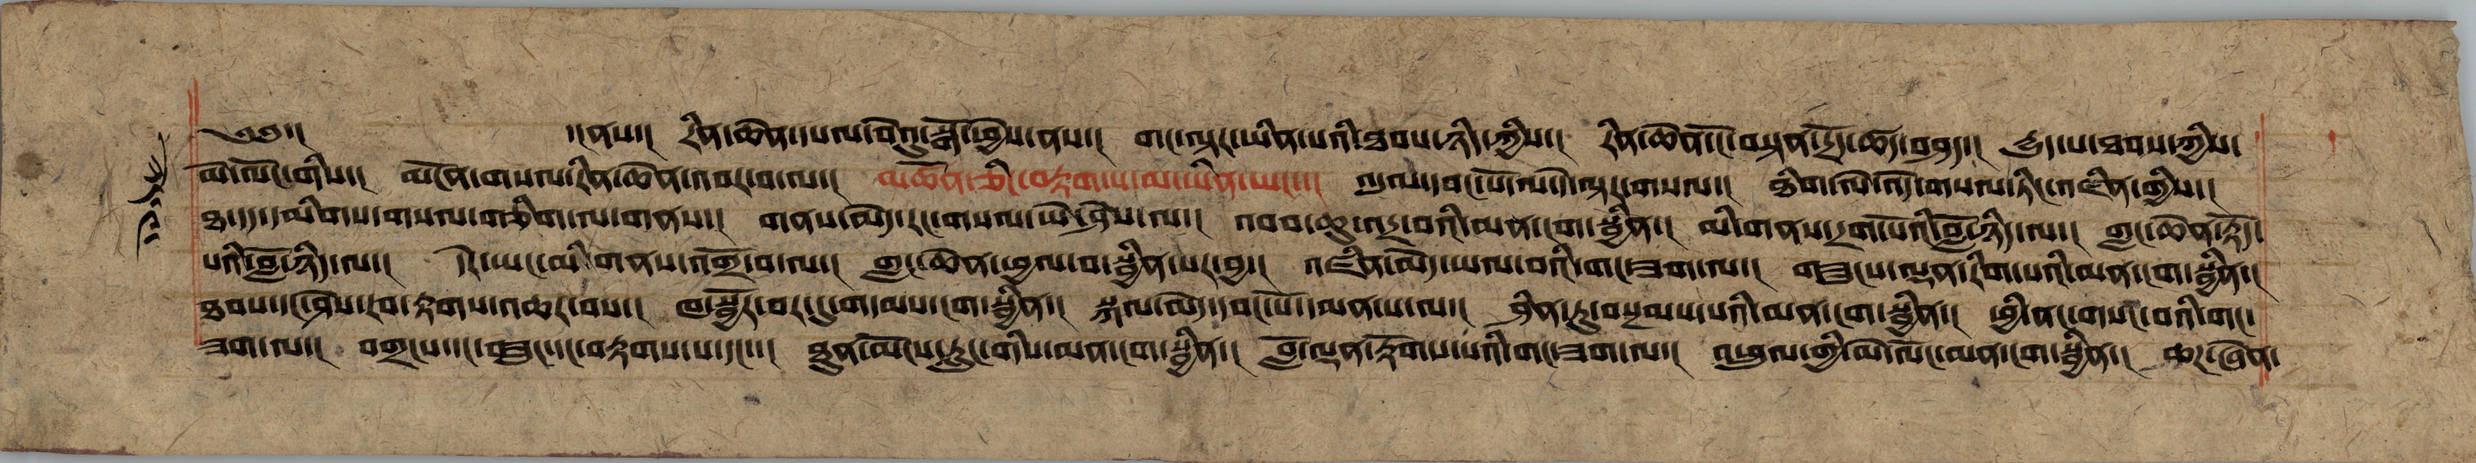༄༅་། ་།ནས་། རིན་ཆེན་དཔལ་བེའུ་སྒོ་ཕྱེས་ནས་། གང་ལྟར་ཡིན་པའི་ཐབས་ཉིད་ཀྱིས་། རིན་ཆེན་ངོ་བསྟན་དྲོད་ཚད་བཤད་། དྱུད་པ་ཐབས་ཀྱིས་
མེ་ལོང་གིས་། མངོན་གསལ་རིན་ཆེན་འབར་བ་ལ་། མཚོན་ཅིང་བརྟག་པ་མ་ཡིན་ཡང་་། འདུལ་དབང་པོ་ལ་དེ་ལྟར་གསལ་། ཐིག་ལེ་འོད་གསལ་ཏིང་འཛིན་གྱིས་།
ཐ་དད་དམིགས་གསལ་གཅིག་ལ་གནས་། གནས་མེད་རང་གསལ་ཡེ་ཤེས་ལ་། འབབ་ཆུ་འདྲ་བའི་མན་ངག་སྦྱིན་། མི་གནས་དྲག་པོའི་བློ་ཉིད་ལ་། གླང་ཆེན་རྟོད་
པའི་བློ་ཉིད་ལ་། དེར་ཡང་མི་གནས་འགྲོ་བ་ལ་། གླང་ཆེན་ཕྱལ་བ་སྦྱིན་པར་བྱ་། འཛིན་མེད་ཡལ་བའི་གང་ཟག་ལ་། གཟུངས་ལྡན་རིག་པའི་མན་ངག་སྦྱིན་།
ཐབས་དང་ཤེས་རབ་རྟགས་འཆར་བས་། ཁ་སྦྱོར་བར་དུ་གདམས་ངག་སྦྱིན་། སྐལ་མེད་དབང་པོ་དམན་པ་ལ་། ཤིན་ཏུ་བསྔམས་པའི་མན་ངག་སྦྱིན་། ཕྱི་ནང་གསང་བའི་གང་
ཟག་ལ་། བགྲངས་དང་གཟུང་དང་བརྟགས་པ་དང་་། ཐུན་མོངས་རླུང་གིས་མན་ངག་སྦྱིན་། བློ་ལྡན་རྟོགས་པའི་གང་ཟག་ལ་། འཕྲུལ་གྱི་མེ་ལོང་མན་ངག་སྦྱིན་། ཆཌ་ཞེན་